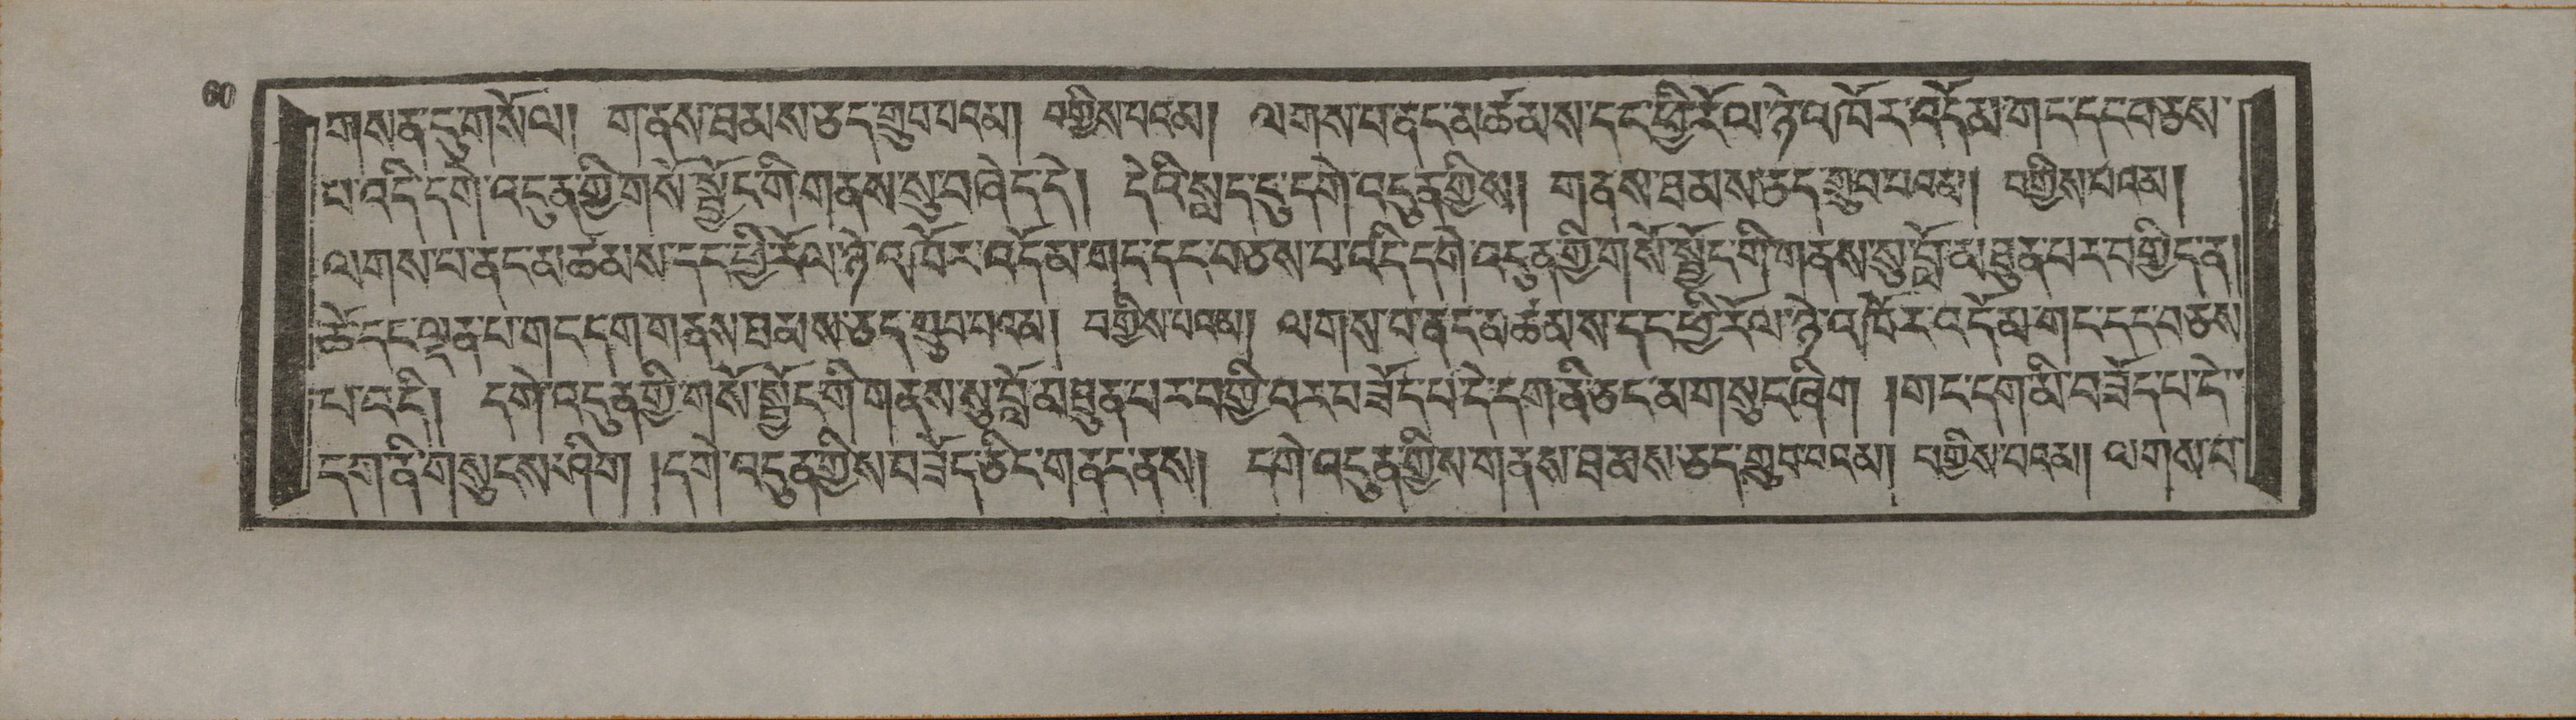གསན་དུ་གསོལ། གནས་ཐམས་ཅད་གྲུབ་པའམ། བགྱིས་པའམ། ལགས་པ་ནང་མཚམས་དང་ཕྱི་རོལ་ཉེ་འཁོར་འདོམ་གང་དང་བཅས་
པ་འདི་དགེ་འདུན་གྱི་གསོ་སྦྱོང་གི་གནས་སུ་བཞེད་དེ། དེའི་སླད་དུ་དགེ་འདུན་གྱིས། གནས་ཐམས་ཅད་གྲུབ་པའམ། བགྱིས་པའམ།
ལགས་པ་ནང་མཚམས་དང་ཕྱི་རོལ་ཉེ་འཁོར་འདོམ་གང་དང་བཅས་པ་འདི་དགེ་འདུན་གྱི་གསོ་སྦྱོང་གི་གནས་སུ་བློ་མཐུན་པར་བགྱིད་ན།
ཚེ་དང་ལྡན་པ་གང་དག་གནས་ཐམས་ཅད་གྲུབ་པའམ། བགྱིས་པའམ། ལགས་པ་ནང་མཚམས་དང་ཕྱི་རོལ་ཉེ་འཁོར་འདོམ་གང་དང་བཅས་
པ་འདི། དགེ་འདུན་གྱི་གསོ་སྦྱོང་གི་གནས་སུ་བློ་མཐུན་པར་བགྱི་བར་བཟོད་པ་དེ་དག་ནི་ཅང་མ་གསུང་ཞིག །གང་དག་མི་བཟོད་པ་དེ་
དག་ནི་གསུངས་ཤིག །དགེ་འདུན་གྱིས་བཟོད་ཅིང་གནང་ནས། དགེ་འདུན་གྱིས་གནས་ཐམས་ཅད་གྲུབ་པའམ། བགྱིས་པའམ། ལགས་པ་